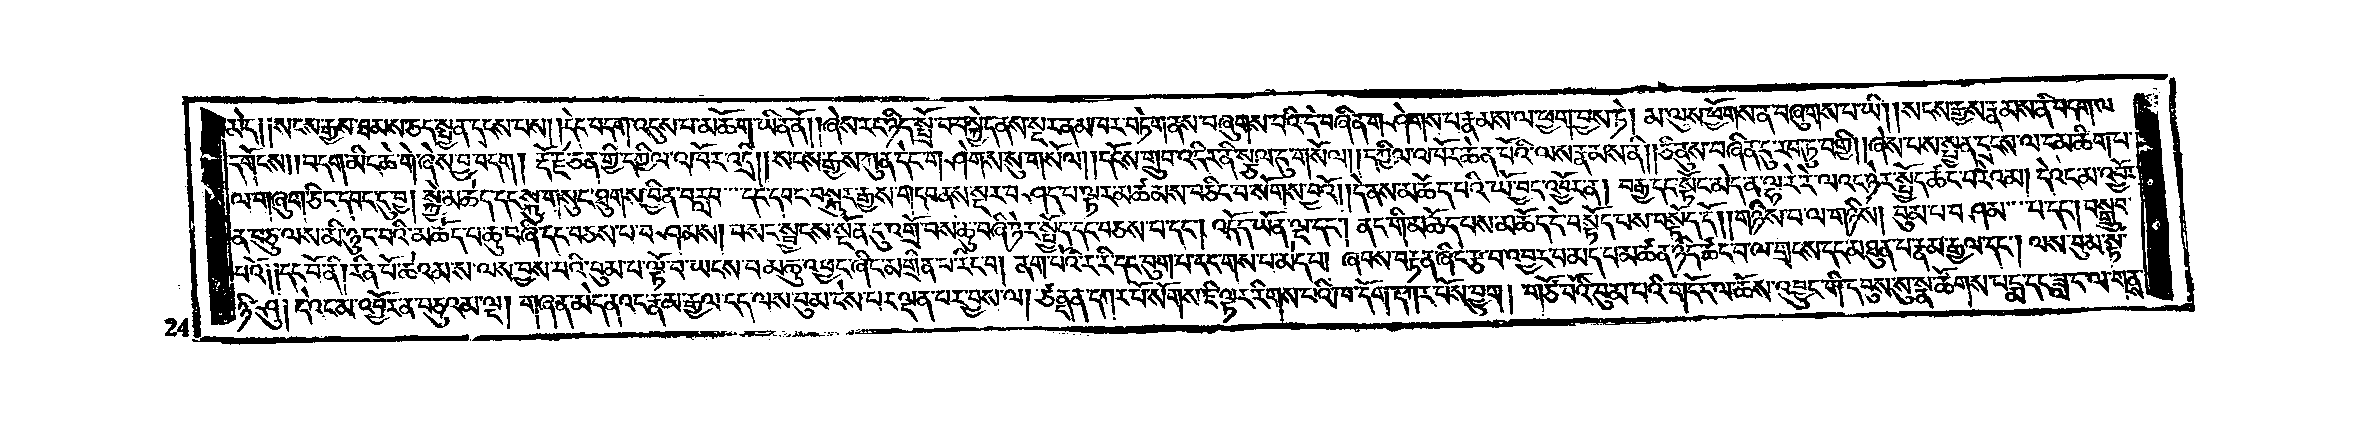མེད། །སངས་རྒྱས་ཐམས་ཅད་སྤྱན་དྲངས་པས། །དེང་བདག་འདུས་པ་མཆོག་ཡིན་ནོ། །ཞེས་རང་ཉིད་སྤྲོ་བ་བསྐྱེད་ནས་སྔར་ནམ་མཁར་བཏེག་ནས་བཞུགས་པའི་དེ་བཞིན་གཤེགས་པ་རྣམས་ལ་ཕྱག་བྱས་ཏེ། མ་ལུས་ཕྱོགས་ན་བཞུགས་པ་ཡི། །སངས་རྒྱས་རྣམས་ནི་བདག་ལ་
དགོངས། །བདག་མིང་ཆེ་གེ་ཞེས་བྱ་བདག །རྡོ་རྗེ་ཅན་གྱི་དཀྱིལ་འཁོར་འདྲི། །སངས་རྒྱས་ཀུན་དེང་གཤེགས་སུ་གསོལ། །དངོས་གྲུབ་འདིར་ནི་སྩལ་དུ་གསོལ། །དཀྱིལ་འཁོར་ཆེན་པོའི་ལས་རྣམས་ནི། །ཅི་ནུས་བཞིན་དུ་རབ་ཏུ་བགྱི། །ཞེས་པས་སྤྱན་དྲངས་ལ་དམ་ཚིག་པ་
ལ་གཞུག་ཅིང་དབང་དུ་བྱ། སྐྱེ་མཆེད་དང་སྐུ་གསུང་ཐུགས་བྱིན་བརླབ་དང་དབང་བསྐུར་རྒྱས་གདབ་ནས་སྔར་བཤད་པ་ལྟར་མཚམས་བཅིང་བ་སོགས་བྱའོ། །དེ་ནས་མཆོད་པའི་ཡོ་བྱད་འབྱོར་ན། བརྒྱ་དང་སྟོང་མེད་ན་ལྷ་རེ་རེ་ལའང་ཉེར་སྤྱོད་ཚང་བ་རེའམ། དེའང་མ་འབྱོར་
ན་བཅུ་ལས་མི་ཉུང་བའི་མཆོད་པ་ཆུ་བཞི་དང་བཅས་པ་བཤམས། བསང་སྦྱངས་སྔོན་དུ་འགྲོ་བས་ཆུ་བཞི་ཉེར་སྤྱོད་དང་བཅས་པ་དང་། འདོད་ཡོན་ལྔ་དང་། ནང་གི་མཆོད་པས་མཆོད་དེ་བསྟོད་པས་བསྟོད་དོ། །གཉིས་པ་ལ་གཉིས། བུམ་པ་བཤམ་པ་དང་། བསྒྲུབ་
པའོ། །དང་པོ་ནི། རིན་པོ་ཆེའམ་ས་ལས་བྱས་པའི་བུམ་པ་ལྟོ་བ་ཡངས་པ་མཆུ་འཕྱང་ཞིང་མགྲིན་པ་རིང་བ། ནག་པོའི་ར་རི་དང་བུག་པ་དང་གས་པ་མེད་པ། ཞབས་བརྟན་ཞིང་རྩ་བ་འབྱར་བ་མད་པ་མཚན་ཉིད་ཚང་བ་ལ་གྲངས་དང་མཐུན་པ་རྣམ་རྒྱལ་དང་། ལས་བུམ་སྟེ་
ཉི་ཤུ། དེའང་མ་འབྱོར་ན་བཅུའམ་ལྔ། གཞན་མེད་ནའང་རྣམ་རྒྱལ་དད་ལས་བུམ་ངེས་པར་ལྡན་པར་བྱས་ལ། ཙནདན་དཀར་པོ་སོགས་ཇི་ལྟར་རིགས་པའི་ཁ་དོག་དཀར་པོས་བྱུག །གཙོ་བོའི་བུམ་པའི་གདོང་ལ་ཆོས་འབྱུང་གི་དབུས་སུ་སྣ་ཚོགས་པདམ་དང་ཟླ་བ་ལ་གནས་